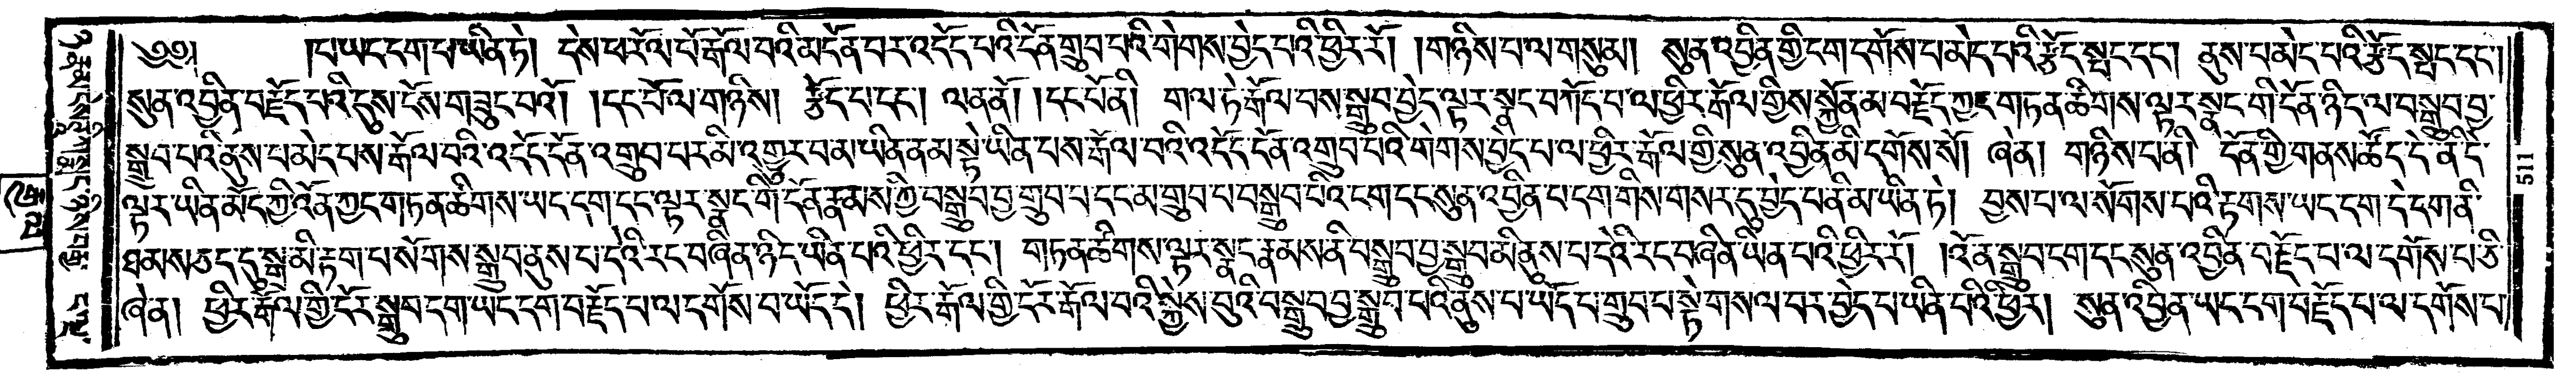༄༅། །པ་ཡང་དག་པ་ཡིན་ཏེ། དེས་ཕ་རོལ་པོ་རྒོལ་བའི་མངོན་བར་འདོད་པའི་དོན་གྲུབ་པའི་གེགས་བྱེད་པའི་ཕྱིར་རོ། །གཉིས་པ་ལ་གསུམ། སུན་འབྱིན་གྱི་ངག་དགོས་པ་མེད་པའི་རྩོད་སྤང་དང་། ནུས་པ་མེད་པའི་རྩོད་སྤང་དང་།
སུན་འབྱིན་བརྗོད་པའི་དུས་ངོས་གཟུང་བའོ། །དང་པོ་ལ་གཉིས། རྩོད་པ་དང་། ལན་ནོ། །དང་པོ་ནི། གལ་ཏེ་རྒོལ་བས་སྒྲུབ་བྱེད་ལྟར་སྣང་བཀོད་པ་ལ་ཕྱིར་རྒོལ་གྱིས་སྐྱོན་མ་བརྗོད་ཀྱང་གཏན་ཚིགས་ལྟར་སྣང་གི་དོན་ཉིད་ལ་བསྒྲུབ་བྱ་
སྒྲུབ་པའི་ནུས་པ་མེད་པས་རྒོལ་བའི་འདོད་དོན་འགྲུབ་པར་མི་འགྱུར་པ་མ་ཡིན་ནམ་སྟེ་ཡིན་པས་རྒོལ་བའི་འདོད་དོན་འགྲུབ་པའི་གེགས་བྱེད་པ་ལ་ཕྱིར་རྒོལ་གྱི་སུན་འབྱིན་མི་དགོས་སོ། ཞེ་ན། གཉིས་པ་ནི། དོན་གྱི་གནས་ཚོད་དེ་ནི་དེ་
ལྟར་ཡིན་མོད་ཀྱི་འོན་ཀྱང་གཏན་ཚིགས་ཡང་དག་དང་ལྟར་སྣང་གི་དོན་རྣམས་ཀྱི་བསྒྲུབ་བྱ་གྲུབ་པ་དང་མ་གྲུབ་པ་བསྒྲུབ་པའི་ངག་དང་སུན་འབྱིན་པ་དག་གིས་གསར་དུ་བྱེད་པ་ནི་མ་ཡིན་ཏེ། བྱས་པ་ལ་སོགས་པའི་རྟགས་ཡང་དག་དེ་དག་ནི་
ཐམས་ཅད་དུ་སྒྲ་མི་རྟག་པ་སོགས་སྒྲུབ་ནུས་པ་དེའི་རང་བཞིན་ཉིད་ཡིན་པའི་ཕྱིར་དང་། གཏན་ཚིགས་ལྟར་སྣང་རྣམས་ནི་བསྒྲུབ་བྱ་སྒྲུབ་མི་ནུས་པ་དེའི་རང་བཞིན་ཡིན་པའི་ཕྱིར་རོ། །འོ་ན་སྒྲུབ་ངག་དང་སུན་འབྱིན་བརྗོད་པ་ལ་དགོས་པ་ཅི་
ཞེ་ན། ཕྱིར་རྒོལ་གྱི་ངོར་སྒྲུབ་དག་ཡང་དག་བརྗོད་པ་ལ་དགོས་བ་ཡོད་དེ། ཕྱིར་རྒོལ་གྱི་དོར་རྒོལ་བའི་སྐྱེས་བུའི་བསྒྲུབ་བྱ་སྒྲུབ་པའི་ནུས་པ་ཡོད་པ་གྲུབ་པ་སྟེགས་ལ་བར་བྱེད་པ་ཡིན་པའི་ཕྱིར། སུན་འབྱིན་ཡང་དག་བརྗོད་པ་ལ་དགོས་པ་